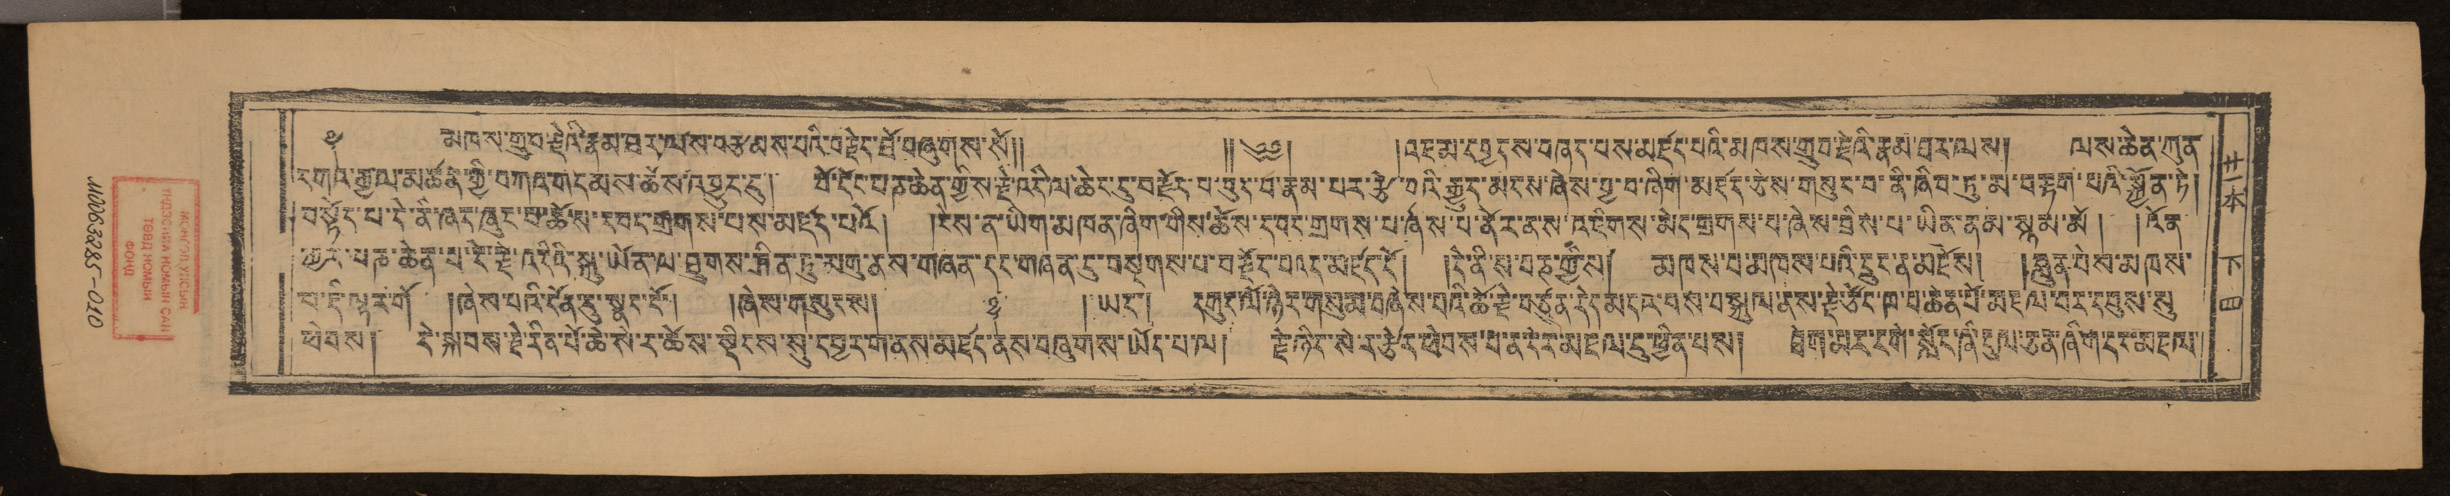༈ མཁས་གྲུབ་རྗེའི་རྣམ་ཐར་ལས་བརྩམས་བའི་བརྗེད་ཐོ་བཞུགས་སོ།། །།༄༅། །འཇམ་དབྱངས་བཞད་པས་མཛད་པའི་མཁས་གྲུབ་རྗེའི་རྣམ་ཐར་ལས། ལས་ཆེན་ཀུན་
དགའ་རྒྱལ་མཚན་གྱི་བཀའ་གདམས་ཆོས་བྱུང་དུ། བོ་དོང་པཎ་ཆེན་གྱིས་རྗེ་འདི་ལ་ཆེད་དུ་བརྗོད་པ་བུང་བ་རྣམ་པར་རྩེ་བའི་རྒྱུད་མངས་ཞེས་བྱ་བ་ཞིག་མཛད་ཅེས་གསུང་བ་ནི་ཞིབ་ཏུ་མ་བརྟག་པའི་སྐྱོན་ཏེ།
བསྟོང་པ་དེ་ནི་ཞང་ཞུང་བ་ཆོས་དབང་གྲགས་པས་མཛད་པའོ། །དེས་ན་ཡིག་མཁན་ཞིག་གིས་ཚེས་དབང་གྲགས་པ་ཞེས་པ་ནོར་ནས་འཇིགས་མེད་གྲགས་པ་ཞེས་བྲིས་པ་ཡིན་ནམ་སྙམ་མོ། །འོན་
ཀྱང་པཎ་ཆེན་པ་དེ་རྗེ་འདིའི་སྐུ་ཡོན་ལ་ཐུགས་ཤིན་ཏུ་མགུ་ནས་གཞན་དང་གཞན་དུ་བསྔགས་པ་བརྗོད་པའང་མཛད་དོ། །དེ་ནིས་པཎ་གྱིས། མཁས་པ་མཁས་པའི་དྲུང་ན་མཛེས། །བླུན་པོས་མཁས་
པ་ཇི་ལྟར་གོ །ཞེས་པའི་དོན་དུ་སྣང་ངོ། །ཞེས་གསུངས། ༈ །ཡང་། དགུང་ལོ་ཉེར་གསུམ་བཞེས་པའི་ཚེ་རྗེ་བཙུན་རེད་མདའ་པས་བསྐུལ་ནས་རྗེ་ཙོང་ཁ་པ་ཆེན་པོ་མཇལ་བར་དབུས་སུ་
ཕེབས། དེ་སྐབས་རྗེ་རིན་པོ་ཆེ་སེ་ར་ཆོས་སྡིངས་སུ་དབྱར་གནས་མཛད་ནས་བཞུགས་ཡོད་པ་ལ། རྗེ་ཉིད་སེ་ར་རྩེར་ཕེབས་པ་ན་དེར་མཇལ་དུ་ཕྱིན་པས། ཐོག་མར་དགེ་སློང་ཞ་རུལ་ཅན་ཞིག་དང་མཇལ་